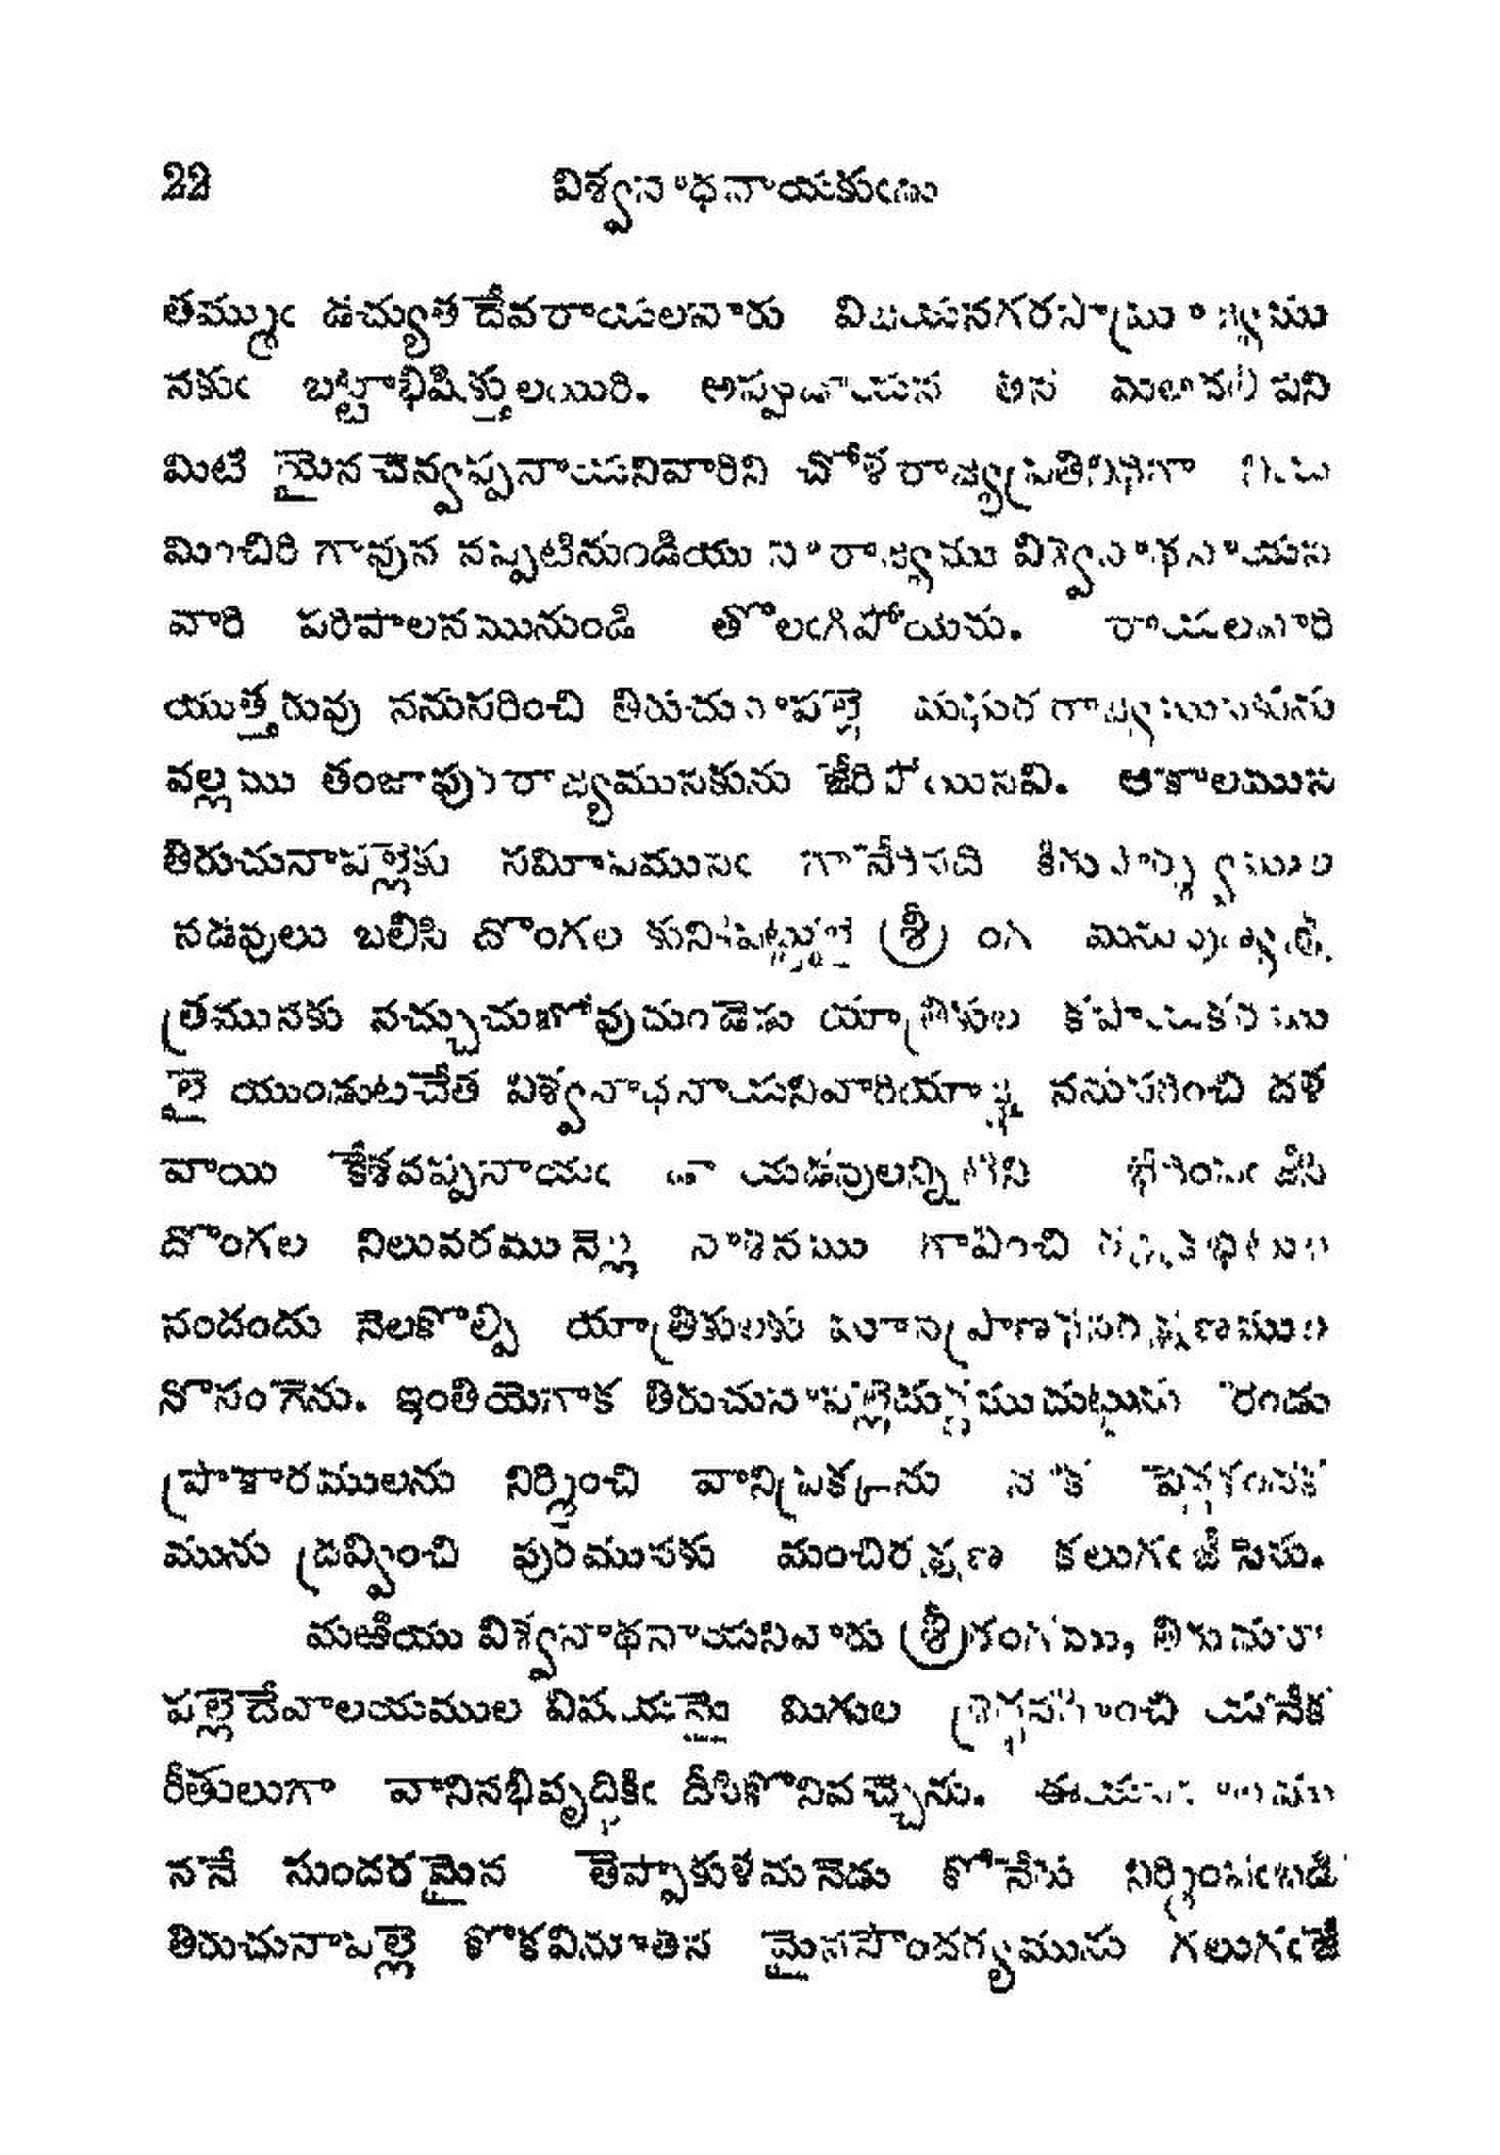తమ్ముఁ డచ్యుతదేవరాయలవారు విజయనగరసామ్రాజ్యమునకుఁ బట్టాభిషిక్తులయిరి. అప్పుడాయన తన మఱదలి పెనిమిటి యైన చెన్వప్పనాయనివారిని చోళ రాజ్యప్రతినిధిగా నియమించిరి గావున నప్పటినుండియు నారాజ్యము విశ్వనాథనాయని వారి పరిపాలనమునుండి తొలఁగిపోయెను. రాయలవారి యుత్తరువు ననుసరించి తిరుచునాపల్లె మధురరాజ్యమునకును వల్లము తంజాపురరాజ్యమునకును జేరిపోయినవి. ఆకాలమున తిరుచునాపల్లెకు సమీపమునఁ గావేరినది కిరుపార్శ్వముల నడవులు బలిసి దొంగల కునికిపట్టులై శ్రీరంగ మనుపుణ్యక్షేత్రమునకు వచ్చుచుబోవుచుండెడు యాత్రికుల కపాయకరములై యుండుటచేత విశ్వనాధనాయనివారియాజ్ఞ ననుసరించి దళవాయి కేశవప్పనాయఁ డా యడవులన్నిటిని భేదింపఁజేసి దొంగల నిలువరమునెల్ల నాశనము గావించి రక్షకభటుల నందందు నెలకొల్పి యాత్రికులకు మానప్రాణరక్షణముల నొసంగెను. ఇంతియెగాక తిరుచునాపల్లెదుర్గముచుట్టును రెండు ప్రాకారములను నిర్మించి వానిప్రక్కను నొక పెద్దకందకమును ద్రవ్వించి పురమునకు మంచిరక్షణ కలుగఁజేసెను.

మఱియు విశ్వనాథనాయనివారు శ్రీరంగము, తిరుచునాపల్లె దేవాలయముల విషయమై మిగుల శ్రద్ధవహించి యనేకరీతులుగా వానినభివృద్ధికిఁ దీసికొనివచ్చెను. ఈయనకాలముననే సుందరమైన తెప్పాకుళమనెడు కోనేరు నిర్మింపఁబడి తిరుచునాపల్లె కొకవినూతన మైనసౌందర్యమును గలుగఁజే